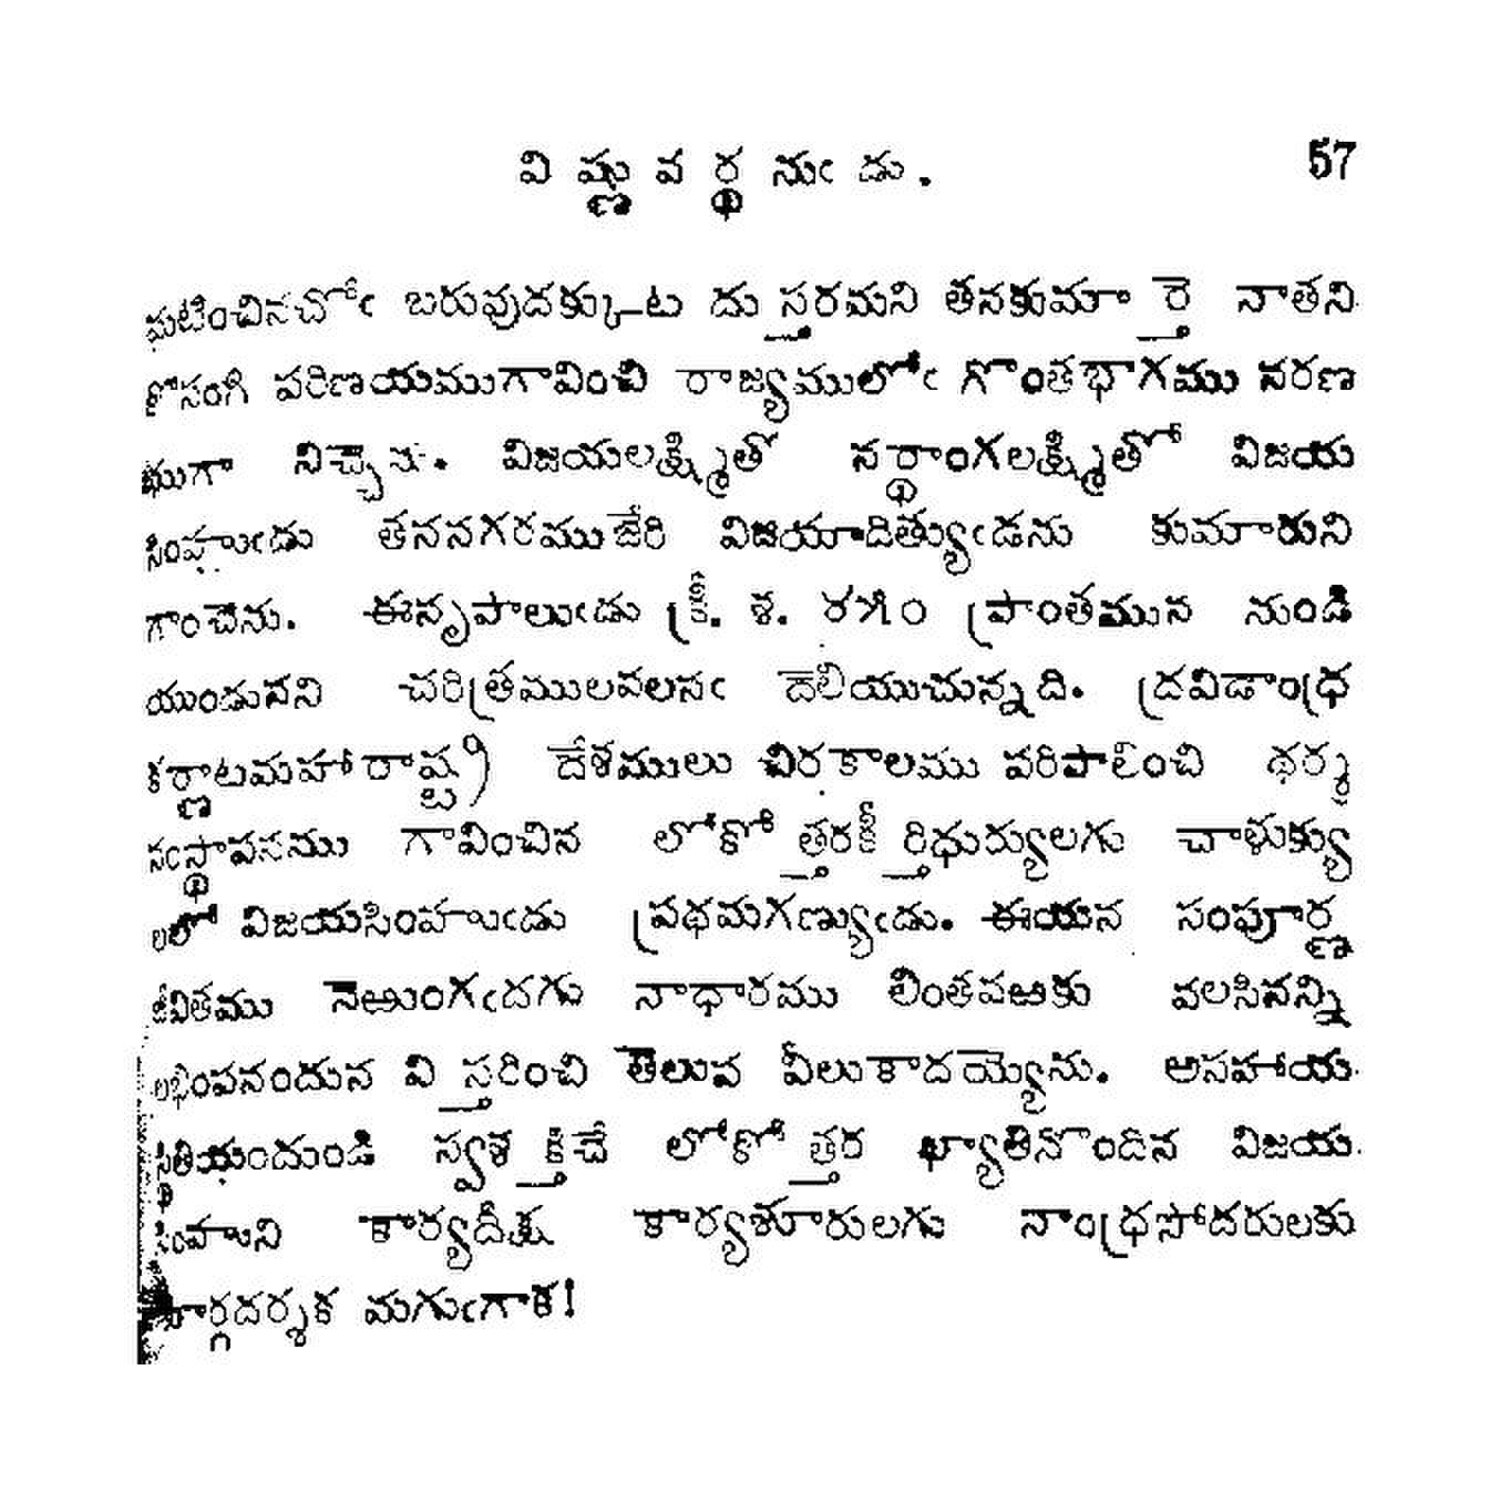ఘటించినచో బరువుదక్కుట దుస్తరమని తనకుమార్తె నాతని కొసంగి పరిణయముగావించి రాజ్యములో గొంతభాగము నరణముగా నిచ్చెను. విజయలక్ష్మితో నర్థాంగలక్ష్మితో విజయసింహుడు తననగరముజేరి విజయాదిత్యుడను కుమారుని గాంచెను. ఈనృపాలుడు క్రీ.శ. 450 ప్రాంతమున నుండి యుండునని చరిత్రమువలన దెలియుచున్నది. ద్రవిడాంధ్ర కర్ణాటమహారాష్ట్ర దేశములు చిరకాలము పరిపాలించి ధర్మసంస్థాపనము గావించిన లోకోత్తరకీర్తిధుర్యులగు చాళుక్యులలో విజయసింహుడు ప్రథమగణ్యుడు. ఈయన సంపూర్ణ జీవితము నెఱుంగదగు నాధారము లింతవఱకు వలసినన్ని లభింపనందున విస్తరించి తెలుప వీలుకాదయ్యెను. అసహాయ స్థితియందుండి స్వశక్తిచే లోకోత్తర ఖ్యాతినొందిన విజయసింహుని కార్యదీక్ష కార్యశూరులగు నాంధ్రసోదరులకు మార్గదర్శక మగుగాక!